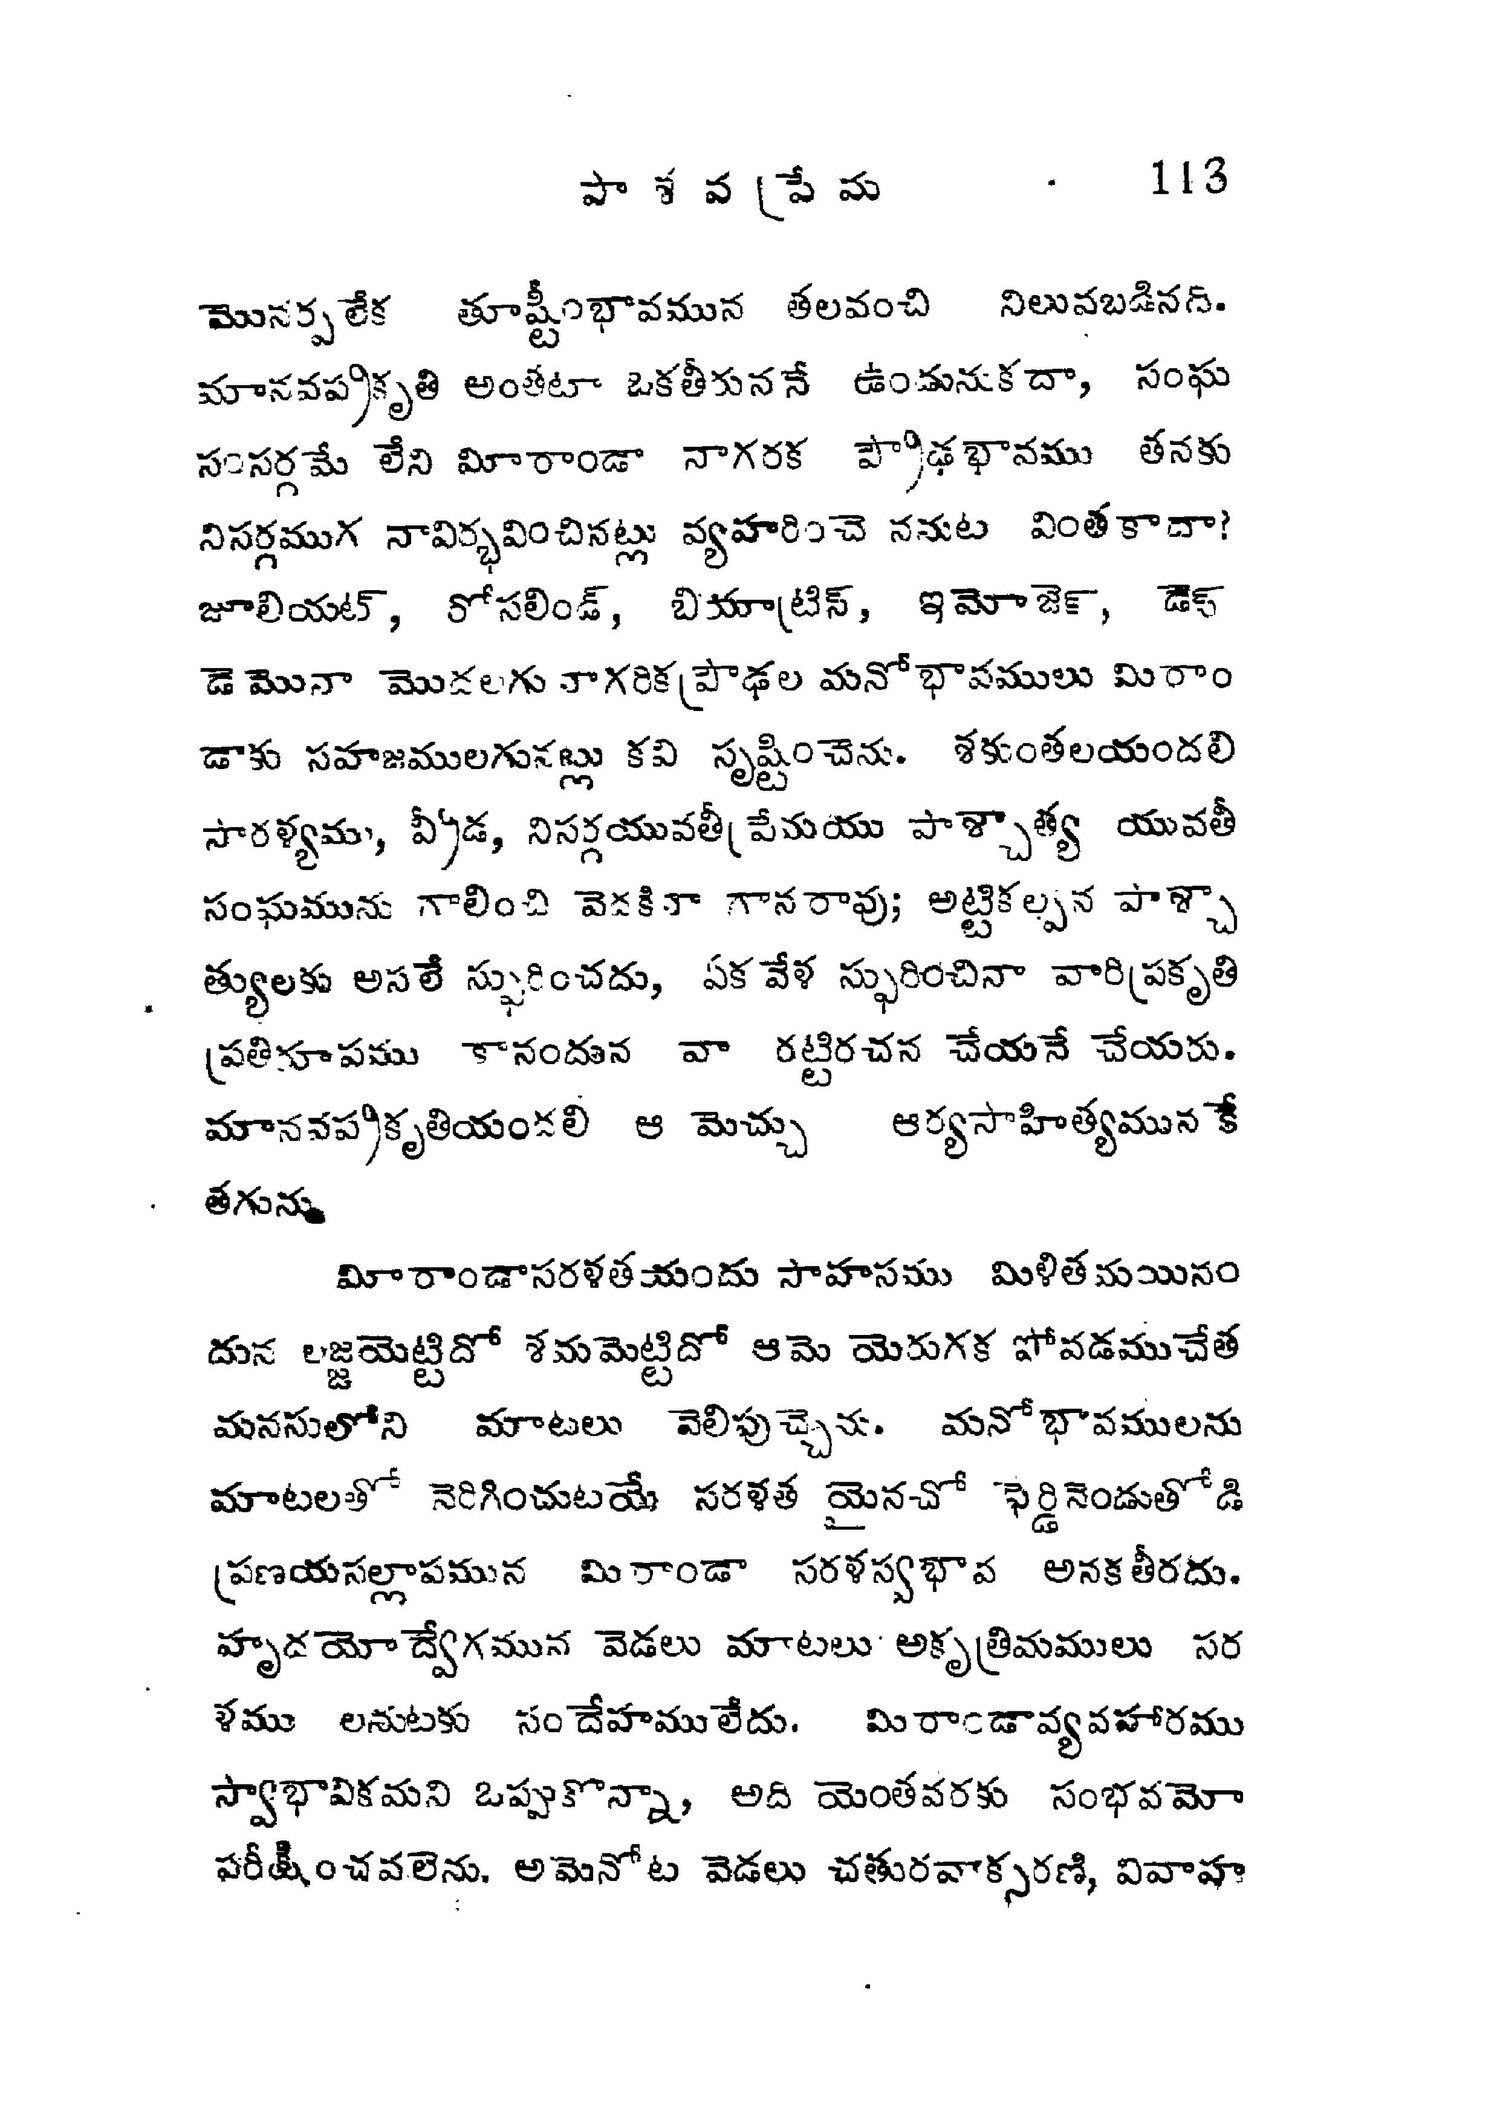మొనర్పలేక తూష్టీంభావమున తలవంచి నిలువబడినది. మానవప్రకృతి అంతటా ఒకతీరుననే ఉండునుకదా, సంఘ సంసర్గమే లేని మీరాండా నాగరక ప్రౌఢభావము తనకు నిసర్గముగ నావిర్భవించినట్లు వ్యహరించె ననుట వింతకాదా? జూలియట్, రోసలిండ్, బియాట్రిన్, ఇమోజెన్, డెస్‌డెమొనా మొదలగు నాగరికప్రౌఢల మనోభావములు మిరాండాకు సహజములగునట్లు కవి సృష్టించెను. శకుంతలయందలి సారళ్యము, వ్రీడ, నిసర్గయువతీప్రేమయు పాశ్చాత్య యువతీ సంఘమును గాలించి వెదకినా గానరావు; అట్టికల్పన పాశ్చాత్యులకు అసలే స్ఫురించదు, ఏకవేళ స్ఫురించినా వారిప్రకృతి ప్రతిరూపము కానందున వా రట్టిరచన చేయనే చేయరు. మానవప్రకృతియందలి ఆ మెచ్చు ఆర్యసాహిత్యమునకే తగును.

మీరాండాసరళతయందు సాహసము మిళితమయినందున లజ్జయెట్టిదో శమమెట్టిదో ఆమె యెరుగక పోవడముచేత మనసులోని మాటలు వెలిపుచ్చెను. మనోభావములను మాటలతో నెరిగించుటయే సరళత యైనచో ఫెర్డినెండుతోడి ప్రణయసల్లాపమున మిరాండా సరఖస్వభావ అనకతీరదు. హృదయోద్వేగమున వెడలు మాటలు అకృత్రిమములు సరళము లనుటకు సందేహములేదు. మిరాండావ్యవహారము స్వాభావికమని ఒప్పుకొన్నా, అది యెంతవరకు సంభవమో పరీక్షించవలెను. ఆమెనోట వెడలు చతురవాక్సరణి, వివాహ